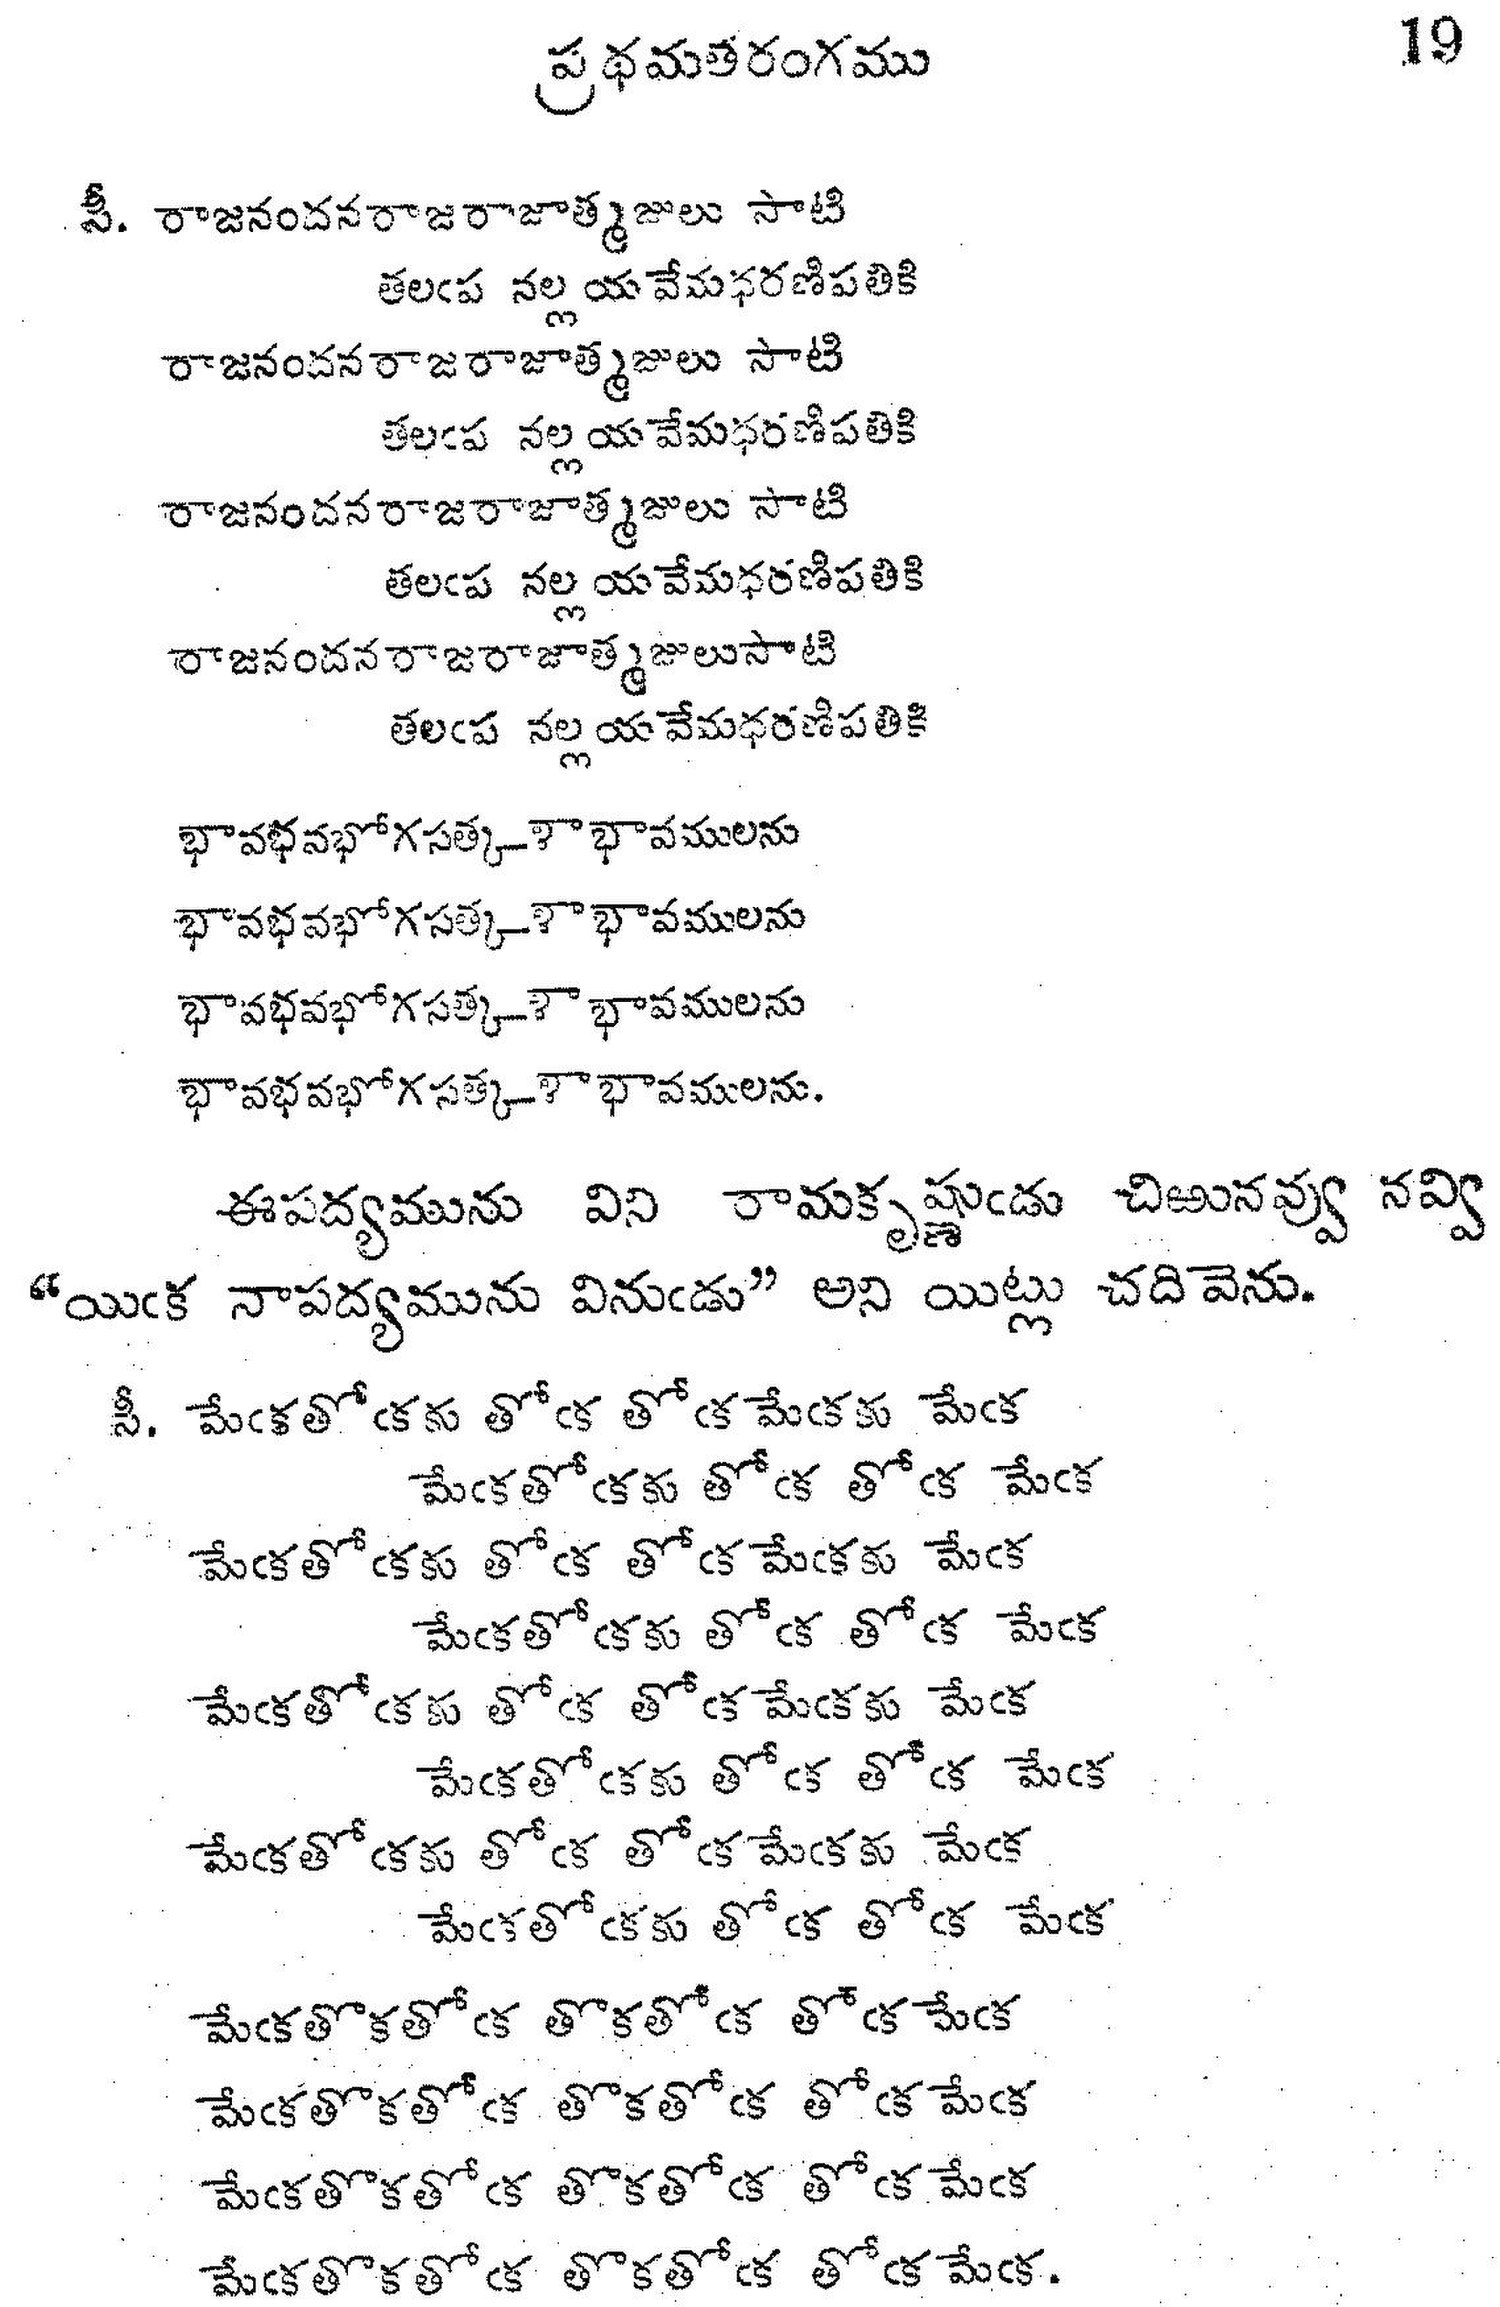సీ. రాజనందనరాజరాజాత్మజులు సాటి
 తలప నల్లయవేమధరణిపతికి
 రాజనందనరాజరాజాత్మజులు సాటి
 తలప నల్లయవేమధరణిపతికి
 రాజనందనరాజరాజాత్మజులు సాటి
 తలప నల్లయవేమధరణిపతికి
 రాజనందనరాజరాజాత్మజులు సాటి
 తలప నల్లయవేమధరణిపతికి
 భావభవభోగసత్కళాభావములను
 భావభవభోగసత్కళాభావములను
 భావభవభోగసత్కళాభావములను
 భావభవభోగసత్కళాభావములను.

ఈపద్యమును విని రామకృష్ణుఁడు చిఱునవ్వు నవ్వు యిఁక నాపద్యమును వినుఁడు అని యిట్లు చదివెను.

సీ. మేఁకతోఁకకు మేఁక తోఁకమేఁకకు మేఁక
 మేఁకతోఁకకు తోఁక తోఁక మేఁక
 మేఁకతోఁకకు మేఁక తోఁకమేఁకకు మేఁక
 మేఁకతోఁకకు తోఁక తోఁక మేఁక
 మేఁకతోఁకకు మేఁక తోఁకమేఁకకు మేఁక
 మేఁకతోఁకకు తోఁక తోఁక మేఁక
 మేఁకతోఁకకు మేఁక తోఁకమేఁకకు మేఁక
 మేఁకతోఁకకు తోఁక తోఁక మేఁక
 మేఁకతొకతోఁక తొకతోఁక తోఁకమేఁక
 మేఁకతొకతోఁక తొకతోఁక తోఁకమేఁక
 మేఁకతొకతోఁక తొకతోఁక తోఁకమేఁక
 మేఁకతొకతోఁక తొకతోఁక తోఁకమేఁక.